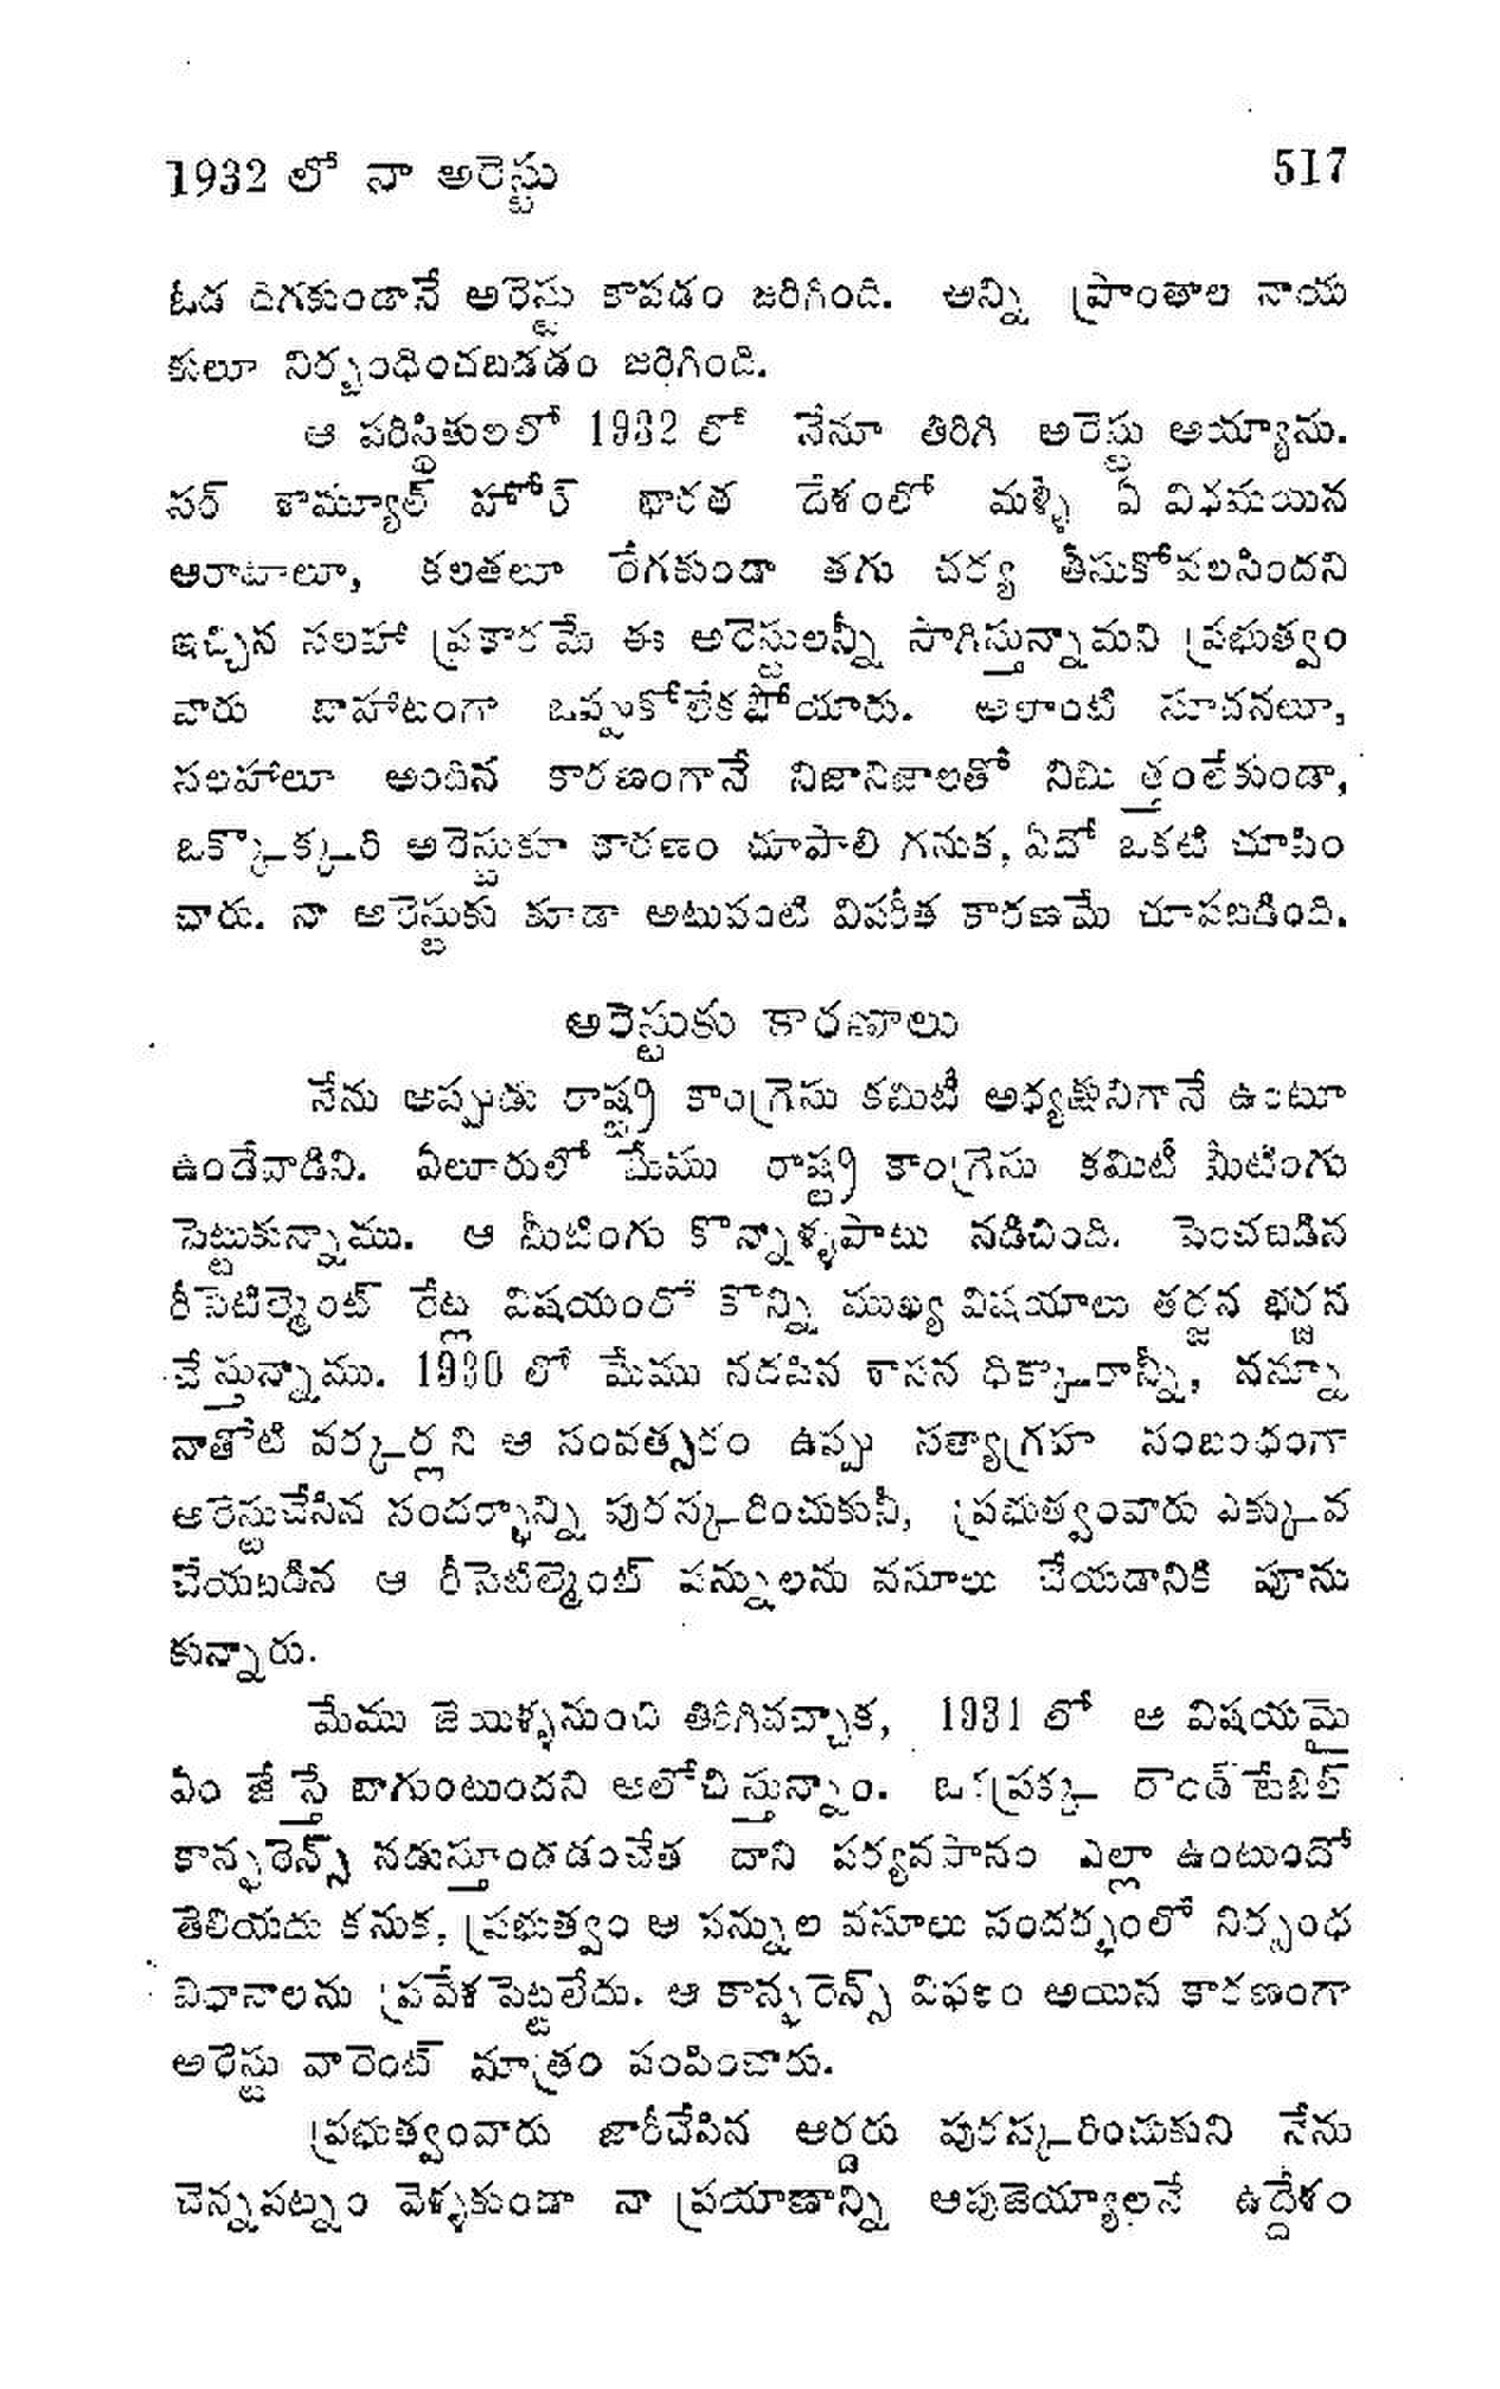ఓడ దిగకుండానే అరెస్టు కావడం జరిగింది. అన్ని ప్రాంతాల నాయకులూ నిర్భంధించబడడం జరిగింది.

ఆ పరిస్థితులలో 1932 లో నేనూ తిరిగి అరెస్టు అయ్యాను. సర్ శామ్యూల్ హోర్ భారత దేశంలో మళ్ళీ ఏ విధమయిన ఆరాటాలూ, కలతలూ రేగకుండా తగు చర్య తీసుకో వలసిందని ఇచ్చిన సలహా ప్రకారమే ఈ అరెస్టులన్నీ సాగిస్తున్నామని ప్రభుత్వం వారు బాహాటంగా ఒప్పుకోలేకపోయారు. అలాంటి సూచనలూ, సలహాలూ అందిన కారణంగానే నిజానిజాలతో నిమిత్తంలేకుండా, ఒక్కొక్కరి అరెస్టుకూ కారణం చూపాలి గనుక, ఏదో ఒకటి చూపించారు. నా అరెస్టుకు కూడా అటువంటి విపరీత కారణమే చూపబడింది.

నేను అప్పుడు రాష్ట్ర కాంగ్రెసు కమిటీ అధ్యక్షునిగానే ఉంటూ ఉండేవాడిని. ఏలూరులో మేము రాష్ట్ర కాంగ్రెసు కమిటీ మీటింగు పెట్టుకున్నాము. ఆ మీటింగు కొన్నాళ్ళపాటు నడిచింది. పెంచబడిన రీసెటిల్మెంట్ రేట్ల విషయంలో కొన్ని ముఖ్య విషయాలు తర్జన భర్జన చేస్తున్నాము. 1930 లో మేము నడపిన శాసన ధిక్కారాన్నీ, నన్నూ నాతోటి వర్కర్లని ఆ సంవత్సరం ఉప్పు సత్యాగ్రహ సంబంధంగా అరెస్టుచేసిన సందర్భాన్ని పురస్కరించుకునీ, ప్రభుత్వంవారు ఎక్కువ చేయబడిన ఆ రీసెటిల్మెంట్ పన్నులను వసూలు చేయడానికి పూనుకున్నారు.

మేము జెయిళ్ళనుంచి తిరిగివచ్చాక, 1931 లో ఆ విషయమై ఏం జేస్తే బాగుంటుందని ఆలోచిస్తున్నాం. ఒకప్రక్క రౌండ్‌టేబిల్ కాన్ఫరెన్స్ నడుస్తూండడంచేత దాని పర్యవసానం ఎల్లా ఉంటుందో తెలియదు కనుక, ప్రభుత్వం ఆ పన్నుల వసూలు సందర్భంలో నిర్భంధ విధానాలను ప్రవేశపెట్టలేదు. ఆ కాన్ఫరెన్స్ విఫలం అయిన కారణంగా అరెస్టు వారెంట్ మాత్రం పంపించారు.

ప్రభుత్వంవారు జారీచేసిన ఆర్డరు పురస్కరించుకుని నేను చెన్నపట్నం వెళ్ళకుండా నా ప్రయాణాన్ని ఆపుజెయ్యాలనే ఉద్దేశం